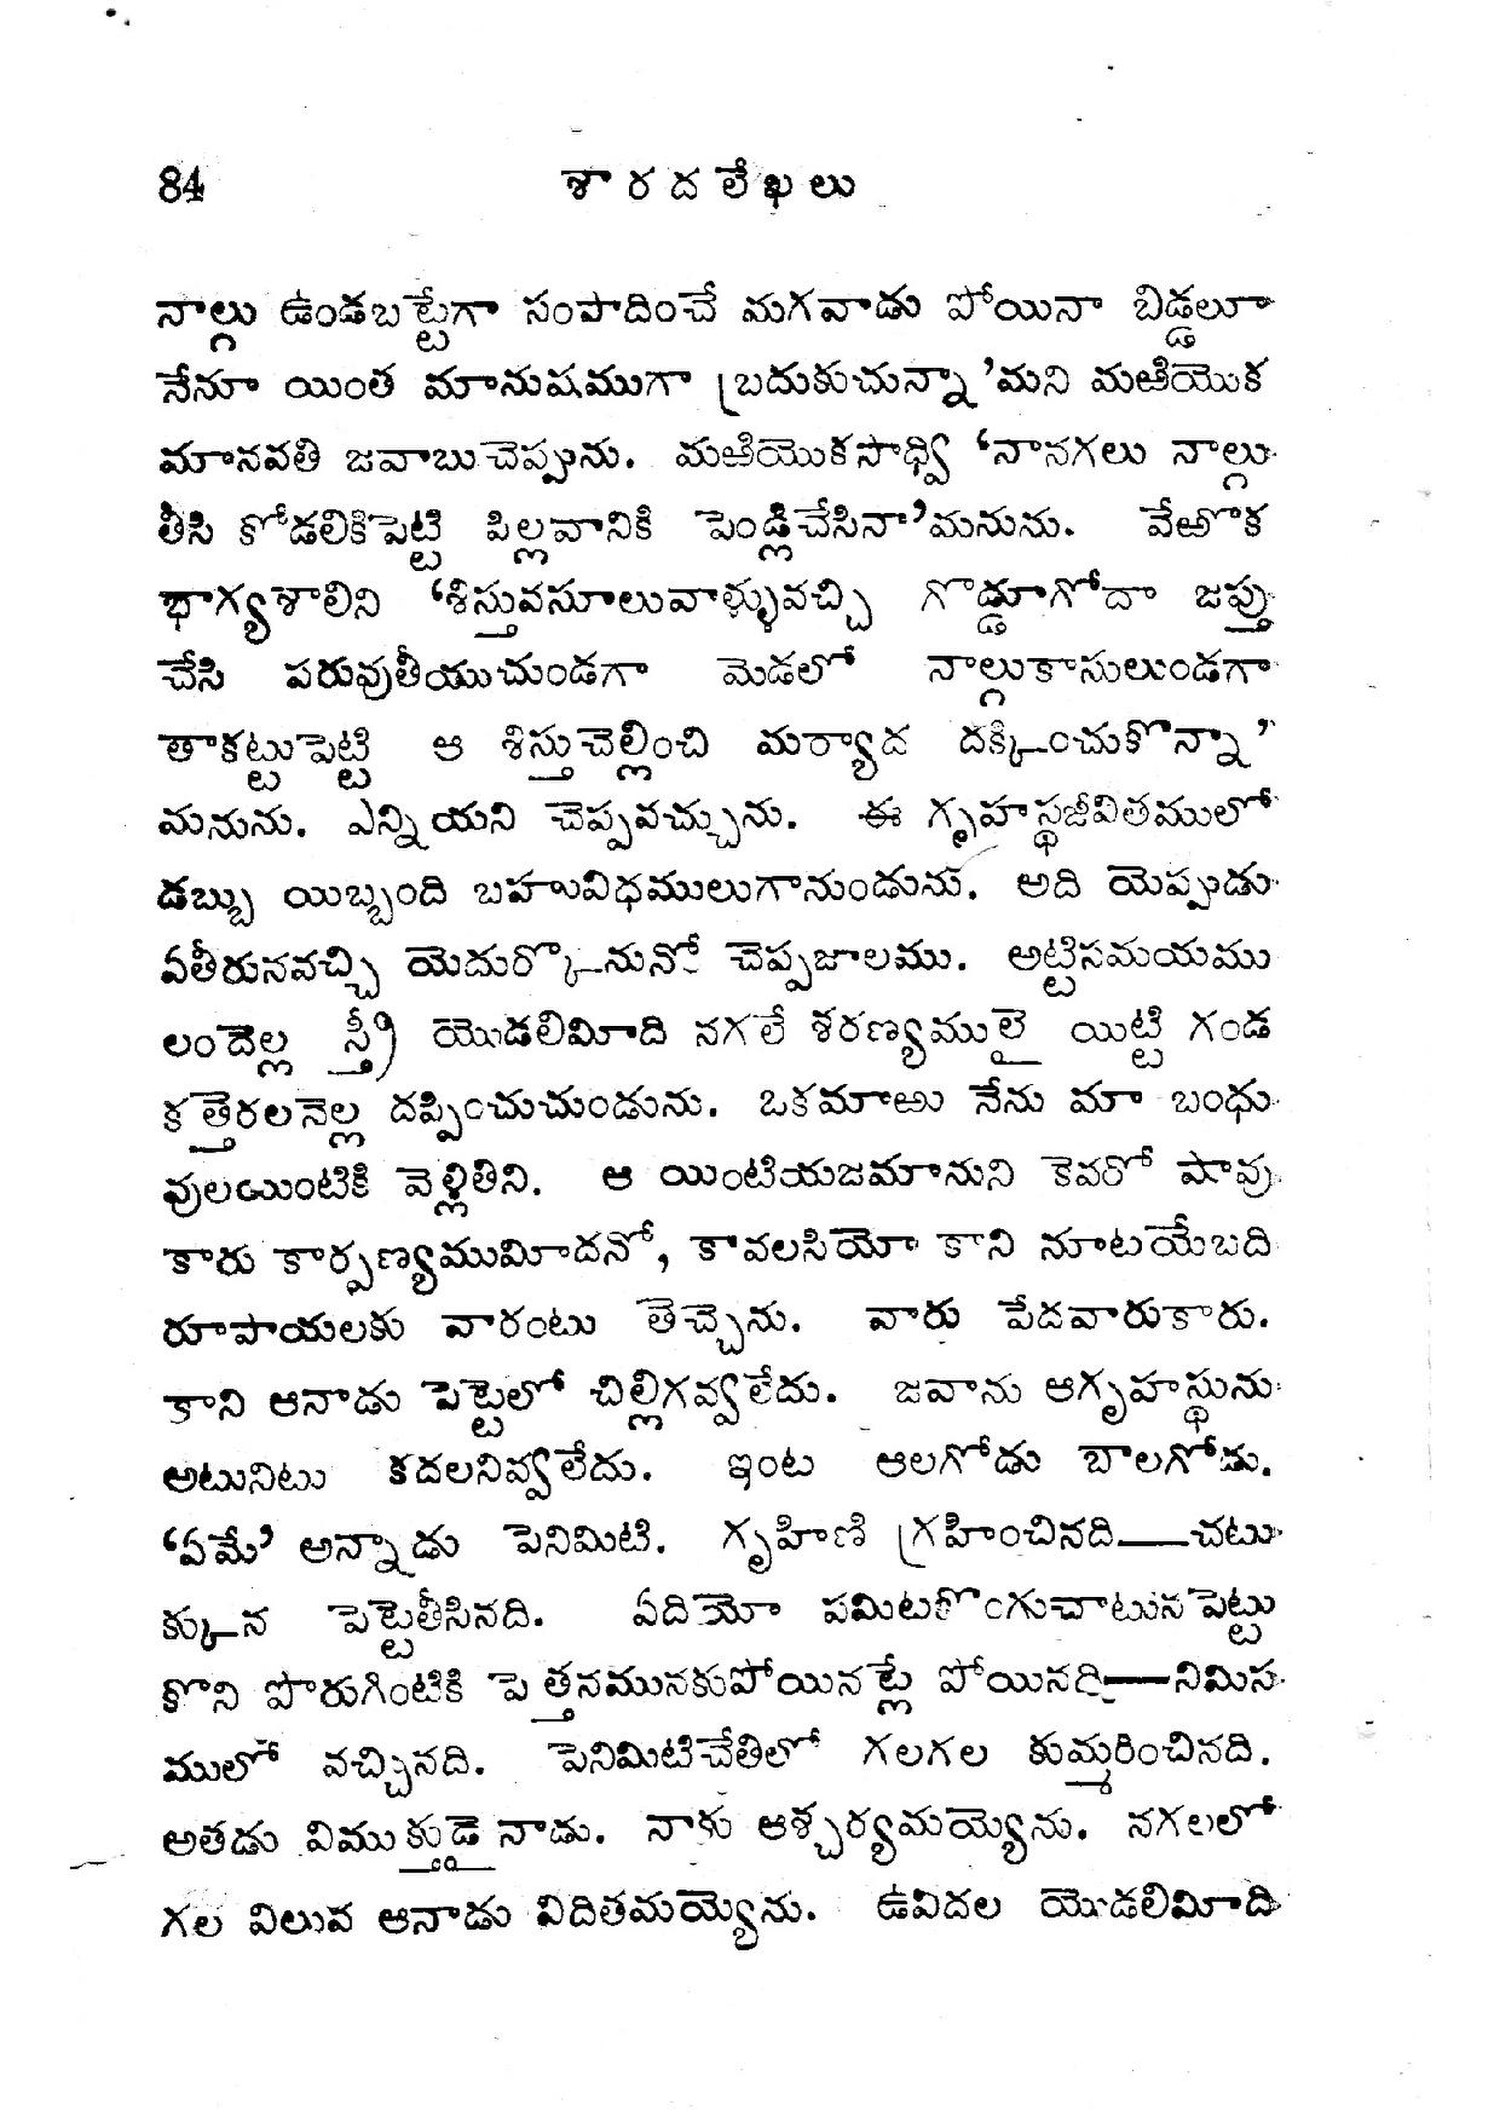నాల్గు ఉండబట్టేగా సంపాదించే మగవాడు పోయినా బిడ్డలూ
నేనూ యింత మానుషముగా బ్రదుకుచున్నా 'మని మఱియొక
మానవతి జవాబు చెప్పును. మఱియొక సాధ్వి 'నానగలు నాల్గు
తీసి కోడలికిపెట్టి పిల్లవానికి పెండ్లిచేసినా' మనును. వేఱొక
భాగ్యశాలిని 'శిస్తువసూలువాళ్ళు వచ్చి గొడ్డూగోదా జప్తు
చేసి పరువుతీయు చుండగా మెడలో నల్గుకాసులుండగా
తాకట్టుపెట్టి ఆ శిస్తు చెల్లించి మర్యాద దక్కించుకొన్నా'
మనును. ఎన్నియని చెప్పవచ్చును. ఈ గృహస్థజీవితములో
డబ్బు యిబ్బంది బహువిధములుగానుండును. అది యెప్పుడు
ఏతీరునవచ్చి యెదుర్కొనునో చెప్పజాలము. అట్టిసమయము
లందెల్ల స్త్రీ యొడలిమ మీది నగలే శరణ్యములై యిట్టి గండ
కత్తెరలనెల్ల దప్పించుచుండును. ఒకమాఱు నేను మా బంధు
వులయింటికి వెళ్లితిని. ఆ యింటియజమానుని కెవరో షావు
కారు కార్పణ్యముమీదనో, కావలసియో కాని నూటయేబది
రూపాయలకు వారంటు తెచ్చెను. వారు పేదవారుకారు.
కాని ఆనాడు పెట్టెలో చిల్లిగవ్వలేదు. జవాను ఆగృహస్థును
అటునిటు కదలనివ్వలేదు. ఇంట ఆలగోడు బాలగోడు.
'ఏమే' అన్నాడు పెనిమిటి. గృహిణి గ్రహించినది__చటు
క్కున పెట్టెతీసినది. ఏదియో పమిట కొంగుచాటున పెట్టు
కొని పొరుగింటికి పెత్తనమునకు పోయినట్లే పోయినది__నిమిస
ములో వచ్చినది. పెనిమిటిచేతిలో గలగల కుమ్మరించినది.
అతడు విముక్తుడైనాడు. నాకు ఆశ్చర్యమయ్యెను. నగలలో
గల విలువ ఆనాడు విదితమయ్యెను. ఉవిదల యెడలి మీది